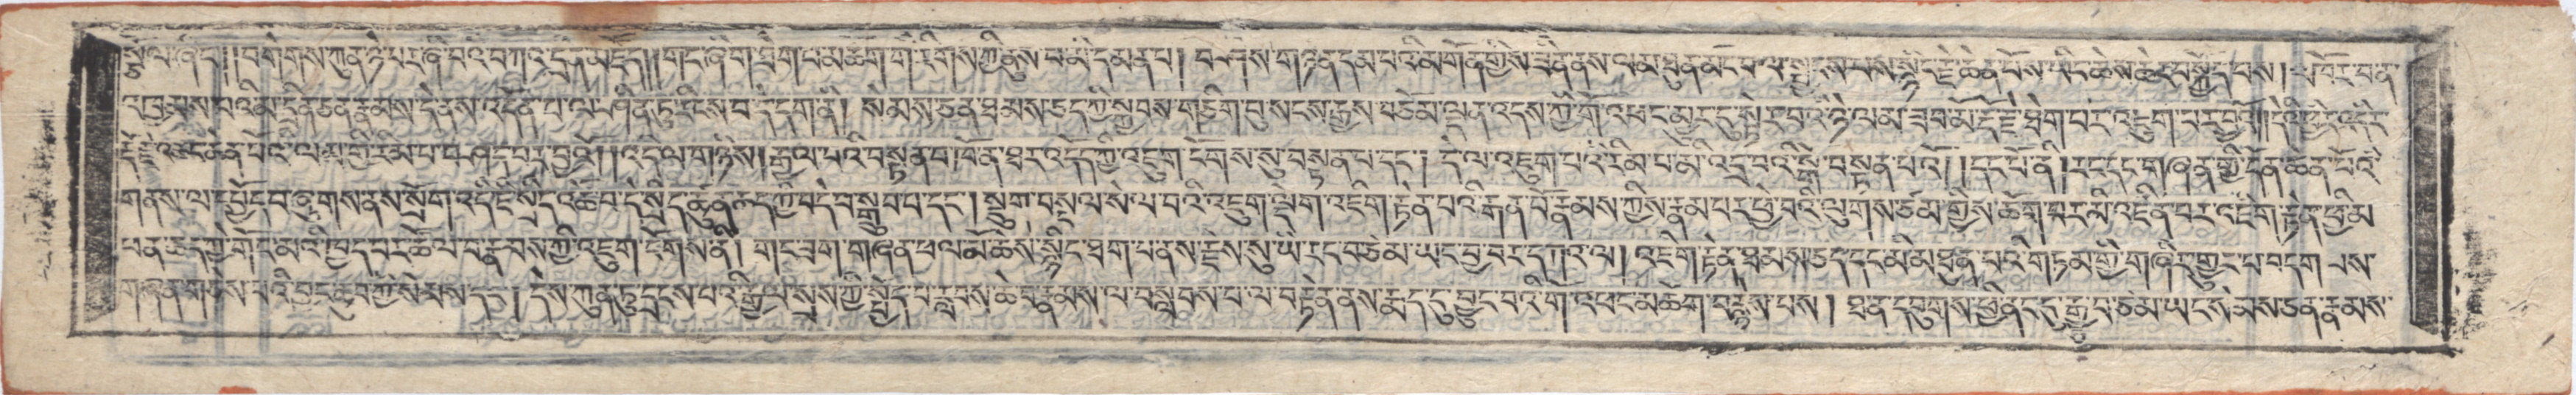སྩོལ་ཞིང་། །བགེགས་ཀུན་ཉེ་པར་ཞི་བའི་བཀའ་དྲིན་མཛོད། །གང་ཞིག་ཐེག་པ་མཆོག་གི་རིགས་ཀྱི་ནུས་པ་མི་དམན་པ། བཤེས་གཉེན་དམ་པའི་མགོན་གྱིས་ཟིན་ནས་ལམ་ཐུན་མོང་བ་ལ་སྦྱངས་པས་སྙིང་རྗེ་ཆེན་པོས་ཡིད་ཆེས་ཆེར་བསྐྱོད་པས། འཁོར་བ་ན་
འཁྱམས་པའི་མ་དྲིན་ཅན་རྣམས་དེ་ནས་འདོན་པ་ལ་ཤིན་ཏུ་རིངས་པ་དེ་དག་ནི། སེམས་ཅན་ཐམས་ཅད་ཀྱི་སྐྱབས་གཅིག་པུ་སངས་རྒྱས་བཅོམ་ལྡན་འདས་ཀྱི་གོ་འཕང་མྱུར་དུ་སྟེར་བའི་ཉེ་ལམ་ཟབ་མོ་རྡོ་རྗེ་ཐེག་པར་འཇུག་པར་བྱའོ། །དེའི་ཕྱིར་འདིར་
རྡོ་རྗེ་འཆང་ཆེན་པོའི་ལམ་གྱི་རིམ་པ་བཤད་པར་བྱའོ། །འདི་ལ་གཉིས། རྒྱལ་བའི་བསྟན་པ་ཁོ་ན་ཐར་འདོད་ཀྱི་འཇུག་ངོགས་སུ་བསྟན་པ་དང་། དེ་ལ་འཇུག་པའི་རིམ་པ་མི་འདྲ་བའི་སྒོ་བསྟན་པའོ། །དང་པོ་ནི། རང་དང་གཞན་གྱི་དོན་ཆེན་པོའི་
གནས་ལ་དཔྱོད་པ་ཞུགས་ནས་སྲོག་འདི་ཇི་སྲིད་འཚོ་བ་དེ་སྲིད་ཚུན་ཆད་ཀྱི་བདེ་བ་སྒྲུབ་པ་དང་། སྡུག་བསྔལ་སེལ་བའི་འཇུག་ལྡོག་འཇིག་རྟེན་པའི་རྒན་པོ་རྣམས་ཀྱིས་རྣམ་པར་ཕྱེ་བའི་ལུགས་ཙམ་གྱིས་ཆོག་པར་མི་འཛིན་པར་འཇིག་རྟེན་ཕྱི་མ་
ཕན་ཆད་ཀྱི་གོང་མའི་ཁྱད་པར་ཚོལ་བ་རྣམས་ཀྱི་འཇུག་ངོགས་ནི། གང་ཟག་གཞན་ཕལ་མོ་ཆེས་སྙིང་ཐག་པ་ནས་རྗེས་སུ་ཡི་རང་བ་ཙམ་ཡང་བྱ་བར་དཀའ་ལ། འཇིག་རྟེན་ཐམས་ཅད་དང་མི་མཐུན་པའི་གཏམ་གྱི་གཞིར་གྱུར་པ་བདག་ལས་
གཞན་གཅེས་པའི་བྱང་ཆུབ་ཀྱི་སེམས་དང་། དེས་ཀུན་ཏུ་དྲངས་པའི་རྒྱལ་སྲས་ཀྱི་སྤྱོད་པ་རླབས་ཆེ་བ་རྣམས་ལ་བསླབས་པ་ལ་བརྟེན་ནས་རྨད་དུ་བྱུང་བའི་གོ་འཕང་མཆོག་བརྙེས་པས། ཐ་ན་དབུགས་ཕྱི་ནང་དུ་རྒྱུ་བ་ཙམ་ཡང་སེམས་ཅན་རྣམས་